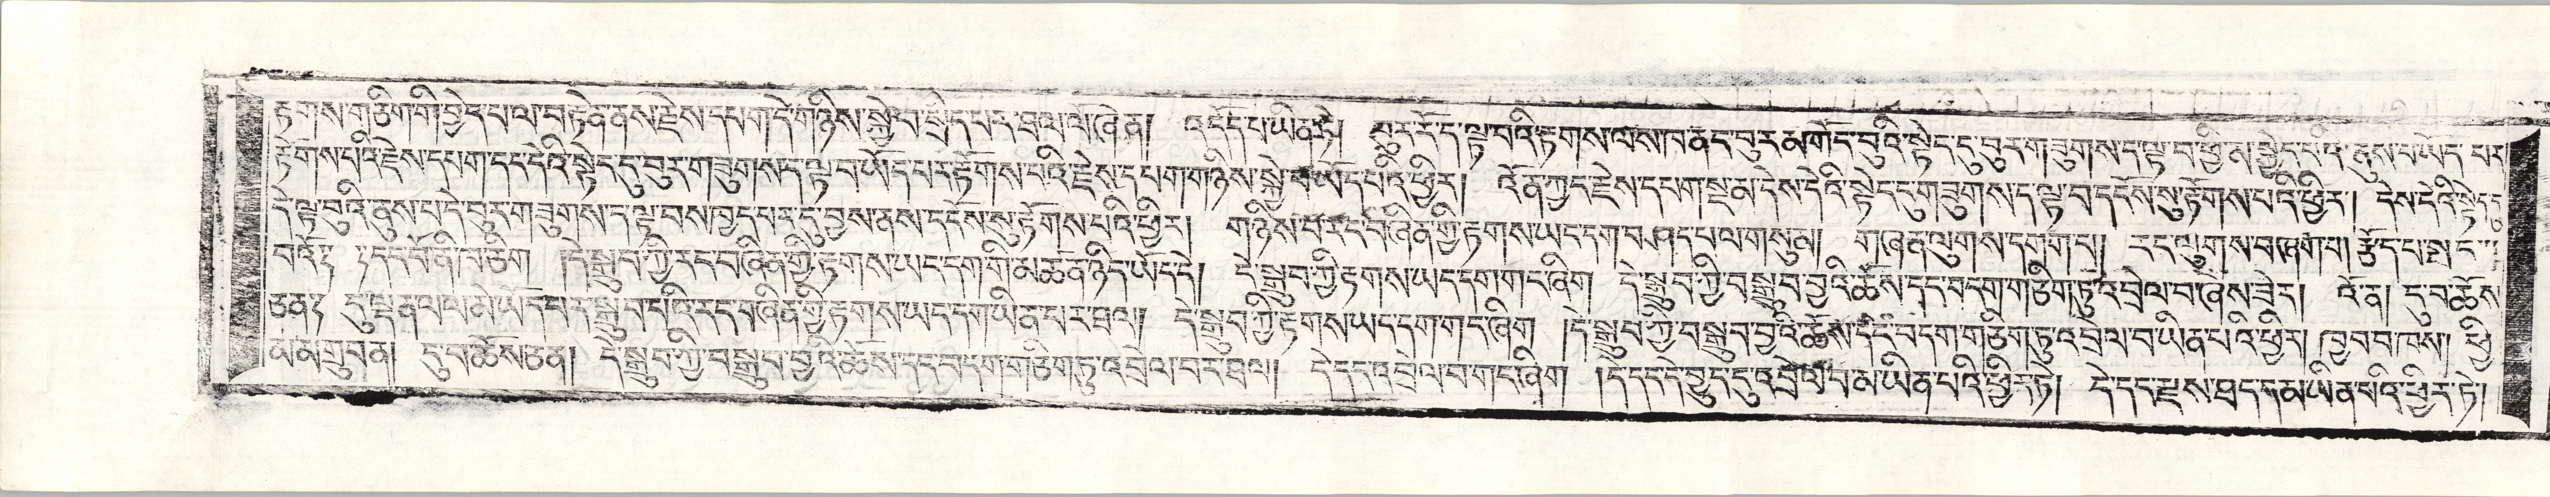རྟགས་གཅིག་གི་བྱེད་པ་ལ་བརྟེན་ནས་རྗེས་དཔག་དེ་གཉིས་སྐྱེ་བ་སྲིད་པར་ཐལ་ལོ་ཞེ་ན། འདོད་པ་ཡིན་ཏེ། བུར་རོ་ད་ལྟ་བའི་རྟགས་ལས་ཁ་ནང་བུ་རམ་གོང་བུའི་སྟེང་དུ་བུར་གཟུགས་ད་ལྟ་བ་ཕྱི་མ་སྐྱེད་པའི་ནུས་པ་ཡོད་པར་
རྟོགས་པའི་རྗེས་དཔག་དང་དེའི་སྟེང་དུ་བུར་གཟུགས་ད་ལྟ་བ་ཡོད་པར་རྟོགས་པའི་རྗེས་དཔག་གཉིས་སྐྱེ་བ་ཡོད་པའི་ཕྱིར། འོན་ཀྱང་རྗེས་དཔག་སྔ་མ་དེས་དེའི་སྟེང་དུ་གཟུགས་ད་ལྟ་བ་དངོས་སུ་རྟོགས་པའི་ཕྱིར། དེས་དེའི་སྟེང་དུ་
དེ་ལྟ་བུའི་ནུས་པ་དེ་བུར་གཟུགས་ད་ལྟ་བས་ཁྱད་པར་དུ་བྱས་ནས་དངོས་སུ་རྟོགས་པའི་ཕྱིར། གཉིས་པ་རང་བཞིན་གྱི་རྟགས་ཡང་དག་བཤད་པ་ལ་གསུམ། གཞན་ལུགས་དགག་པ། རང་ལུགས་བཞག་པ། རྩོད་པ་སྤོང་
བའོ།། དང་པོ་ནི་ཁ་ཅིག །དེ་སྒྲུབ་ཀྱི་རང་བཞིན་གྱི་རྟགས་ཡང་དག་གི་མཚན་ཉིད་ཡོད་དེ། དེ་སྒྲུབ་ཀྱི་རྟགས་ཡང་དག་གང་ཞིག་དེ་སྒྲུབ་ཀྱི་བསྒྲུབ་བྱའི་ཆོས་དང་བདག་གཅིག་ཏུ་འབྲེལ་བ་ཞེས་ཟེར། འོ་ན། དུ་བ་ཆོས་
ཅན༑ དུ་ལྡན་ལ་ལ་མེ་ཡོད་པར་སྒྲུབ་པའི་རང་བཞིན་གྱི་རྟགས་ཡང་དག་ཡིན་པར་ཐལ། དེ་སྒྲུབ་ཀྱི་རྟགས་ཡང་དག་གང་ཞིག །དེ་སྒྲུབ་ཀྱི་བསྒྲུབ་བྱའི་ཆོས་དང་བདག་གཅིག་ཏུ་འབྲེལ་བ་ཡིན་པའི་ཕྱིར། ཁྱབ་པ་ཁས། ཕྱི་
མ་མ་གྲུབ་ན། དུ་བ་ཆོས་ཅན། དེ་སྒྲུབ་ཀྱི་བསྒྲུབ་བྱའི་ཆོས་དང་བདག་གཅིག་ཏུ་འབྲེལ་བར་ཐལ། དེ་དང་འབྲེལ་བ་གང་ཞིག །དེ་དང་དེ་བྱུང་དུ་འབྲེལ་བ་མ་ཡིན་པའི་ཕྱིར་ཏེ། དེ་དང་རྫས་ཐ་དད་མ་ཡིན་པའི་ཕྱིར་ཏེ།